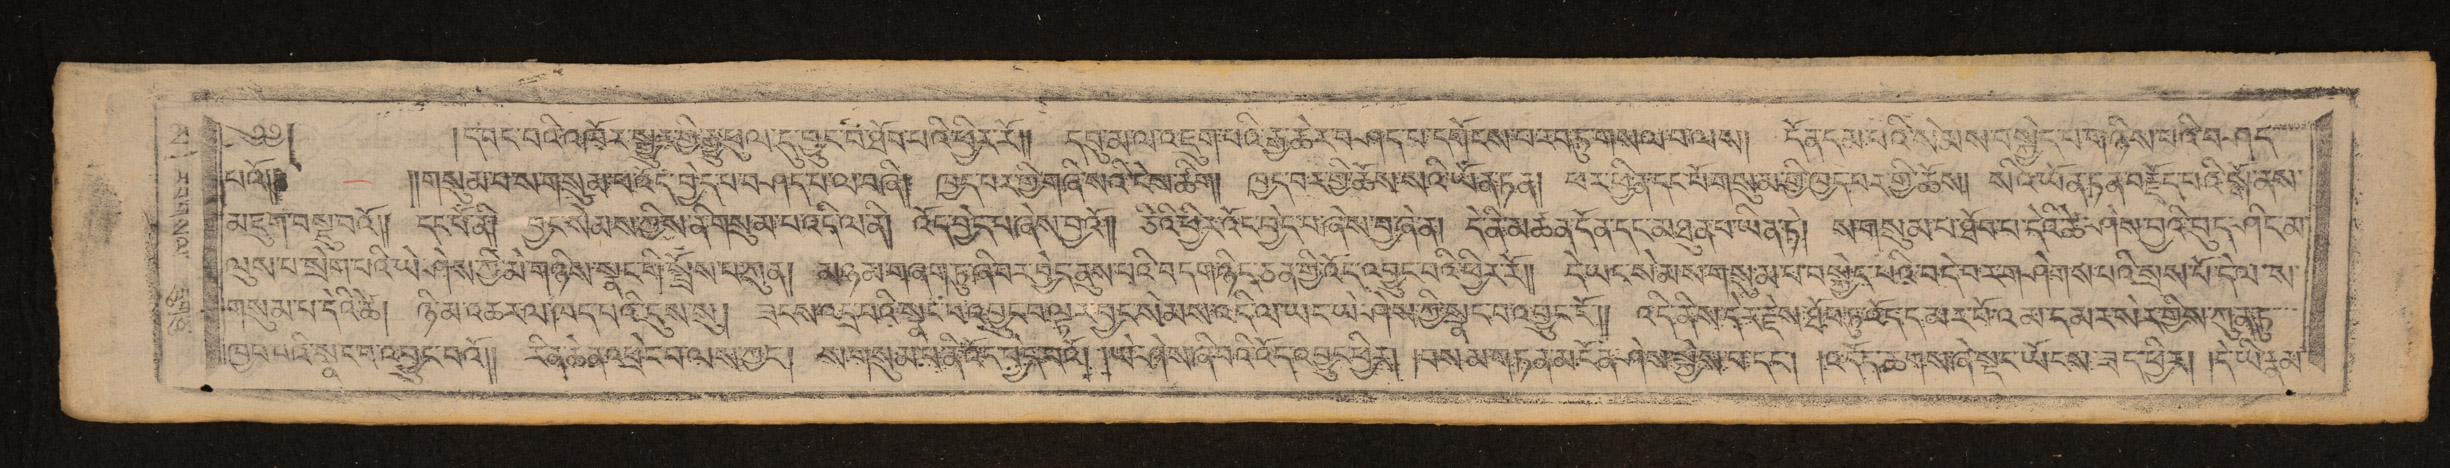༄༅། །དབང་བའི་འཁོར་སྒྱུར་གྱི་རྒྱུ་ཕུལ་དུ་བྱུང་བ་ཐོབ་པའི་ཕྱིར་རོ། །དབུ་མ་ལ་འཇུག་པའི་རྒྱ་ཆེར་བཤད་པ་དགོངས་པ་རབ་ཏུ་གསལ་བ་ལས། དོན་དམ་པའི་སེམས་བསྐྱེད་པ་གཉིས་པའི་བཤད་
པའོ།། ༈ །།གསུམ་པ་ས་གསུམ་པ་འོད་བྱེད་པ་བཤད་པ་ལ་བཞི། ཁྱད་པར་གྱི་གཞི་སའི་ངེས་ཚིག། ཁྱད་པར་གྱི་ཆོས་སའི་ཡོན་ཏན། ཕར་ཕྱིན་དང་པོ་གསུམ་གྱི་ཁྱད་པར་གྱི་ཆོས། སའི་ཡོན་ཏན་བརྗོད་པའི་སྒོ་ནས་
མཇུག་བསྡུ་བའོ།། དང་པོ་ནི། བྱང་སེམས་ཀྱི་ས་ནི་གསུམ་པ་འདི་ལ་ནི། འོད་བྱེད་པ་ཞེས་བྱའོ།། ཅིའི་ཕྱིར་འོང་བྱེད་པ་ཞེས་བྱ་ཞེ་ན། དེ་ནི་མཚན་དོན་དང་མཐུན་པ་ཡིན་ཏེ། ས་གསུམ་པ་ཐོབ་པ་དེའི་ཚེ་ཤེས་བྱའི་བུད་ཤིང་མ་
ལུས་པ་སྲེག་པའི་ཡེ་ཤེས་ཀྱི་མེ་གཉིས་སྣང་གི་སྤྲོས་པ་ཀུན། མཉམ་གཞག་ཏུ་ཞི་བར་བྱེད་ནུས་པའི་བདག་ཉིད་ཅན་གྱི་འོད་འབྱུང་བའི་ཕྱིར་རོ།། དེ་ཡང་སེམས་གསུམ་པ་བསྐྱེད་པའི་བདེ་བར་གཤེགས་པའི་སྲས་པོ་དེ་ལ་ས་
གསུམ་པ་དེའི་ཚེ། ཉི་མ་འཆར་ལ་ཁད་པའི་དུས་སུ། ཟངས་འདྲ་བའི་སྣང་བ་འབྱུང་བ་ལྟར་བྱང་སེམས་འདི་ལ་ཡང་ཡེ་ཤེས་ཀྱི་སྣང་བ་འབྱུང་ངོ།། འདི་ནི་ས་དེར་རྗེས་ཐོབ་ཏུ་འོད་དམར་པོ་འམ་དམར་སེར་གྱིས་ཀུན་ཏུ་
ཁྱབ་པའི་སྣང་བ་འབྱུང་བའོ།། རིན་ཆེན་འཕྲེང་བ་ལས་ཀྱང་། ས་གསུམ་པ་ནི་འོད་བྱེད་པའོ། །ཡེ་ཤེས་ཞི་བའི་འོད་འབྱུང་ཕྱིར། །བསམ་གཏན་མངོན་ཤེས་སྐྱེས་པ་དང་། །འདོད་ཆགས་ཞེ་སྡང་ཡོངས་ཟད་ཕྱིར། །དེ་ཡི་རྣམ་